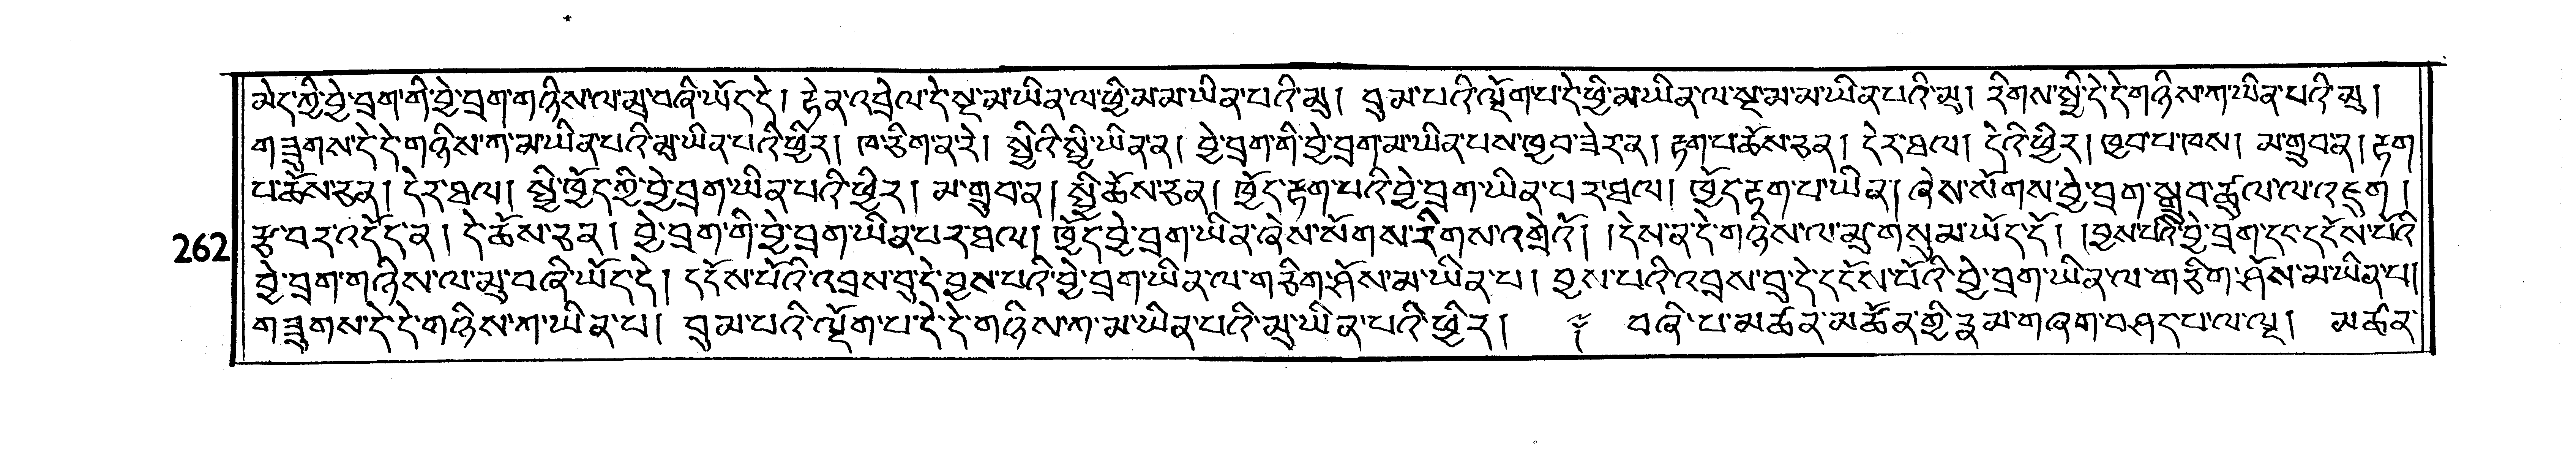མེད་ཀྱི་བྱེ་བྲག་གི་བྱེ་བྲག་གཉིས་ལ་མུ་བཞི་ཡོད་དེ། རྟེན་འབྲེལ་དེ་སྔ་མ་ཡིན་ལ་ཕྱི་མ་མ་ཡིན་པའི་མུ། བུམ་པའི་ལྡོག་པ་དེ་ཕྱི་མ་ཡིན་ལ་སྔ་མ་མ་ཡིན་པའི་མུ། རིགས་སྤྱི་དེ་དེ་གཉིས་ཀ་ཡིན་པའི་མུ།
གཟུགས་དེ་དེ་གཉིས་ཀ་མ་ཡིན་པའི་མུ་ཡིན་པའི་ཕྱིར། ཁ་ཅིག་ན་རེ། སྤྱིའི་སྤྱི་ཡིན་ན། བྱེ་བྲག་གི་བྱེ་བྲག་མ་ཡིན་པས་ཁྱབ་ཟེར་ན། རྟག་པ་ཆོས་ཅན། དེར་ཐལ། དེའི་ཕྱིར། ཁྱབ་པ་ཁས། མ་གྲུབ་ན། རྟག་
པ་ཆོས་ཅན། དེར་ཐལ། སྤྱི་ཁྱོད་ཀྱི་བྱེ་བྲག་ཡིན་པའི་ཕྱིར། མ་གྲུབ་ན། སྤྱི་ཆོས་ཅན། ཁྱོད་རྟག་པའི་བྱེ་བྲག་ཡིན་པར་ཐལ། ཁྱོད་རྟག་པ་ཡིན། ཞེས་སོགས་བྱེ་བྲག་སྒྲུབ་ཚུལ་ལ་འཇུག།
རྩ་བར་འདོད་ན། དེ་ཆོས་ཅན། བྱེ་བྲག་གི་བྱེ་བྲག་ཡིན་པར་ཐལ། ཁྱོད་བྱེ་བྲག་ཡིན་ཞེས་སོགས་རིགས་འགྲེའོ། །དེས་ན་དེ་གཉིས་ལ་མུ་གསུམ་ཡོད་དོ། །བྱས་པའི་བྱེ་བྲག་དང་དངོས་པོའི་
བྱེ་བྲག་གཉིས་ལ་མུ་བཞི་ཡོད་དེ། དངོས་པོའི་འབྲས་བུ་དེ་བྱས་པའི་བྱེ་བྲག་ཡིན་ལ་གཅིག་ཤོས་མ་ཡིན་པ། བྱས་པའི་འབྲས་བུ་དེ་དངོས་པོའི་བྱེ་བྲག་ཡིན་ལ་གཅིག་ཤོས་མ་ཡིན་པ།
གཟུགས་དེ་དེ་གཉིས་ཀ་ཡིན་པ། བུམ་པའི་ལྡོག་པ་དེ་དེ་གཉིས་ཀ་མ་ཡིན་པའི་མུ་ཡིན་པའི་ཕྱིར། ༈ བཞི་པ་མཚན་མཚོན་གྱི་རྣམ་གཞག་བཤད་པ་ལ་ལྔ། མཚན་